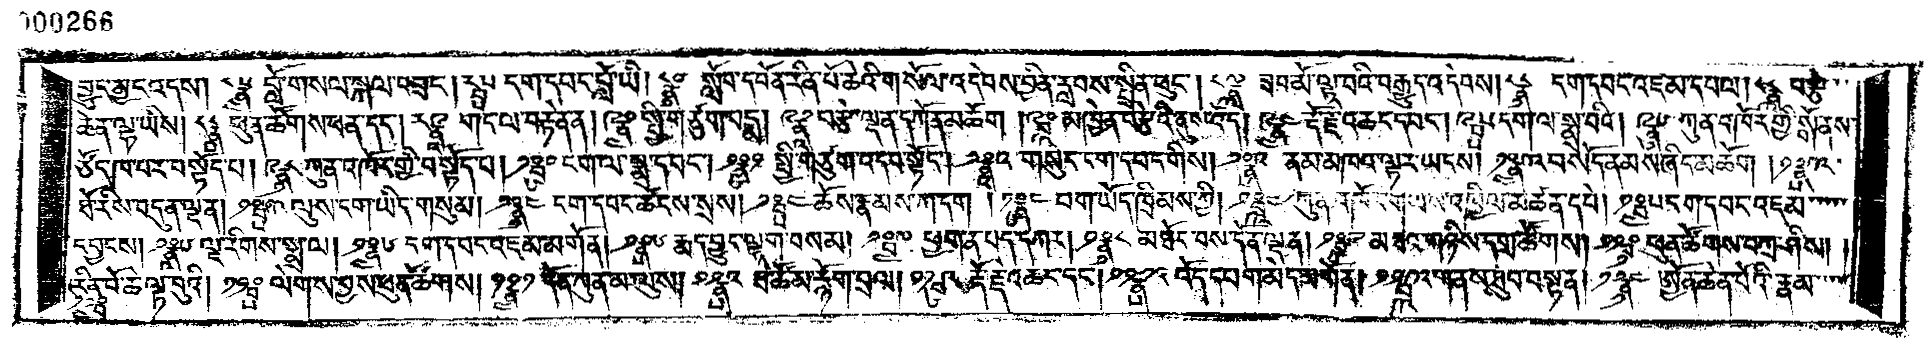བྱུང་མྱང་འདས། ༨༥ན༤་བློ་གསལ་སྐལ་བཟང་། ༨༥བ༥་ངག་དབང་བློ་ཡི། ༨༦ན༢་སློབ་དཔོན་རིན་པོ་ཆེའི་གསོལ་འདེབས་བྱིན་རླབས་སྤྲིན་ཕུང་། ༨༧ན༣་ཟབ་མོ་ལྟ་བའི་བརྒྱུད་འདེབས། ༨༨ན༡་ངག་དབང་འཇམ་དཔལ། ༨༨ན༢་བརྩེ་
ཆེན་ལྷ་ཡིས། ༨༨ན༥་ཕུན་ཚོགས་ཕན་དང་། ༨༩ན༢་གང་ལ་བརྟེན་ན། ༩༠ན༤་སྤྱི་གཙུག་པདམ། ༩༡ན༢་བརྩེ་ལྡན་དཀོན་མཆོག །༩༠བ༣་མཁྱེན་བརྩེའི་ནུས་འོད། ༩༤ན༤་རྡོ་རྗེ་འཆང་དབང་། ༩༥བ༥་དག་ལ་སྨྲ་བའི། ༩༦ན༡་ཀུན་འཁོར་གྱི་སྒོ་ནས་
ཙོད་ཁ་པར་བསྟོད་པ། ༩༨ན༡་ཀུན་འཁོར་གྱི་བསྟོད་པ། ༡༠༠བ༦་ངག་ལ་སྨྲ་དབང་། ༡༠༡ན༦་སྤྱི་གཙུག་འདབ་སྟོང་། ༡༠༢ན༢་གསུང་ངག་དབང་གིས། ༡༠༢ན༥་ནམ་མཁའ་ལྟར་ཡངས། ༡༧༣ན༤་བསོད་ནམས་ཞིང་མཆོག །༡༢༣ན༥
ཐོ་རིས་བདུན་ལྡན། ༡༠༣བ༥་ལུས་ངག་ཡིད་གསུམ། ༡༠༤ན༡་ངག་དབང་ཡོངས་སྲས། ༡༠༤བ༥་ཆོས་རྣམས་ཀ་དག །༡༠༤ན༦་བག་ཡོད་ཁྲིམས་ཀྱི། ༡༠༤བ༣་ཀུན་འཁོར་གཡས་འཁྱིལ་མཚན་དཔེ། ༡༠༥བ༤་ངག་དབང་འཇམ་
དབྱངས། ༡༠༦ན༢་ལྔ་རིགས་སྨྲ་ལ། ༡༠༦ན༤་ངག་དབང་འཇམ་མགོན། ༡༠༦ན༥་རྨད་བྱུང་ལྷག་བསམ། ༡༠༧བ༤་ཕྱག་ན་པད་དཀར། ༡༠༨ན༡་མཐོང་བས་དོན་ལྡན། ༡༠༩བ༦་མཐའ་གཉིས་དགྲ་ཚོགས། ༡༡༠བ༡་ཕུན་ཚོགས་བཀྲ་ཤིས། །
༡༡༠བ༤་རིན་པོ་ཆེ་ལྟ་བུའི། ༡༡༠བ༥་ལེགས་བྱས་ཕུན་ཚོགས། ༡༡༡ན༤་དོན་ཀུན་མ་ལུས། ༡༡༢ན༥་ཐ་ཚོམ་རྙོག་བྲ། ༡༡༢བ༦་རྡོ་རྗེ་འཆང་དང་། ༡༡༣ན༥་འོད་དཔག་མེད་མགོན། ༡༡༣བ༣་གནས་ཐུབ་བསྟན། ༡༡༤ན༡་ཨཡོན་ཆེན་པོའི་རྣམ་